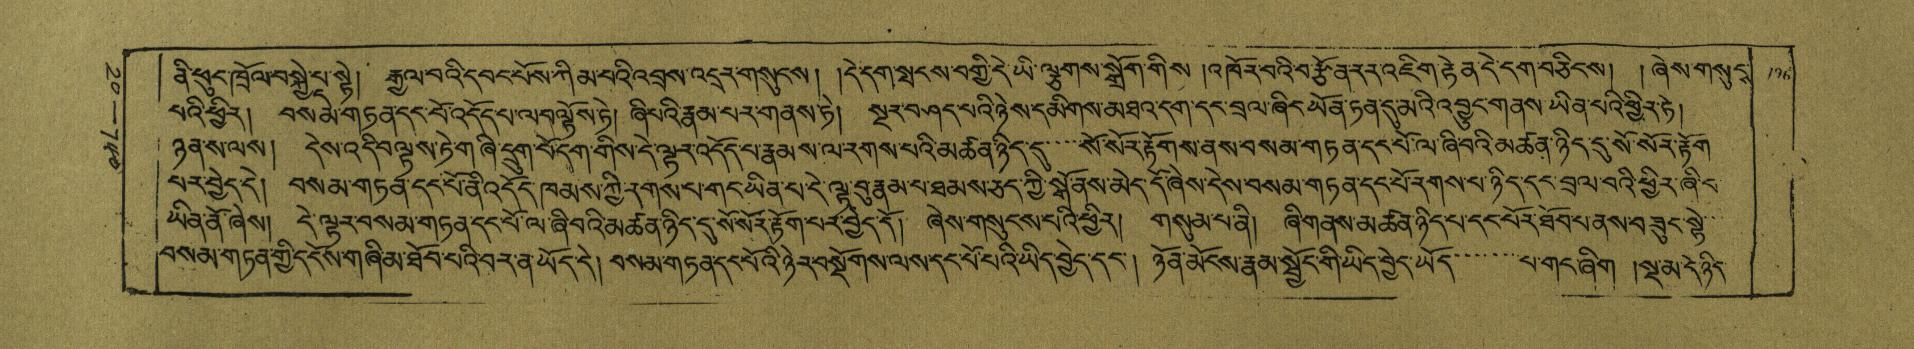ནི་ཕུང་ཁྲོལ་བསྐྱེད་པ་སྟེ། རྒྱལ་བའི་དབང་པོས་ཀིམ་པའི་འབྲས་འདྲར་གསུངས། །དེ་དག་སྤངས་བགྱི་དེ་ཡི་ལྕགས་སྒྲོག་གིས་།འཁོར་བའི་བརྩོན་རར་འཇིག་རྟེན་དེ་དག་བཅིངས། །ཞེས་གསུངས་
པའི་ཕྱིར། བསམ་གཏན་དང་པོ་འདོད་པ་ལ་བལྟོས་ཏེ། ཞི་པའི་རྣམ་པར་གནས་ཏེ། སྔར་བཤད་པའི་ཉེས་དམིགས་མཐའ་དག་དང་བྲལ་ཞིང་ཡོན་ཏན་དུ་མའི་འབྱུང་གནས་ཡིན་པའི་ཕྱིར་ཏེ།
ཉན་ས་ལས། དེས་འདི་བལྟས་ཏེ་གཞི་དྲུག་པོ་དག་གིས་དེ་ལྟར་འདོད་པ་རྣམས་ལ་རགས་པའི་མཚན་ཉིད་དུ་སོ་སོར་རྟོགས་ནས་བསམ་གཏན་དང་པོ་ལ་ཞི་བའི་མཚན་ཉིད་དུ་སོ་སོར་རྟོག་
པར་བྱེད་དེ། བསམ་གཏན་དང་པོ་ནི་འདོད་ཁམས་ཀྱི་རགས་པ་གང་ཡིན་པ་དེ་ལྟ་བུ་རྣམ་པ་ཐམས་ཅད་ཀྱི་སྒོ་ནས་མེད་དོ་ཞེས་དེས་བསམ་གཏན་དང་པོ་རགས་པ་ཉིད་དང་བྲལ་བའི་ཕྱིར་ཞི་བ་
ཡིན་ནོ་ཞེས། དེ་ལྟར་བསམ་གཏན་དང་པོ་ལ་ཞི་བའི་མཚན་ཉིད་དུ་སོ་སོར་རྟོག་པར་བྱེད་དོ། ཞེས་གསུངས་པའི་ཕྱིར། གསུམ་པ་ནི། ཞི་གནས་མཚན་ཉིད་པ་དང་པོར་ཐོབ་པ་ནས་བཟུང་སྟེ་
བསམ་གཏན་གྱི་དངོས་གཞི་མ་ཐོབ་པའི་བར་ན་ཡོད་དེ། བསམ་གཏན་དང་པོའི་ཉེར་བསྔོགས་ལས་དང་པོ་པའི་ཡིད་བྱེད་དང་། ཉོན་མོངས་རྣམ་སྤྱོང་གི་ཡིད་བྱེད་ཡོད་པ་གང་ཞིག །སྔ་མ་དེ་ཉིད་